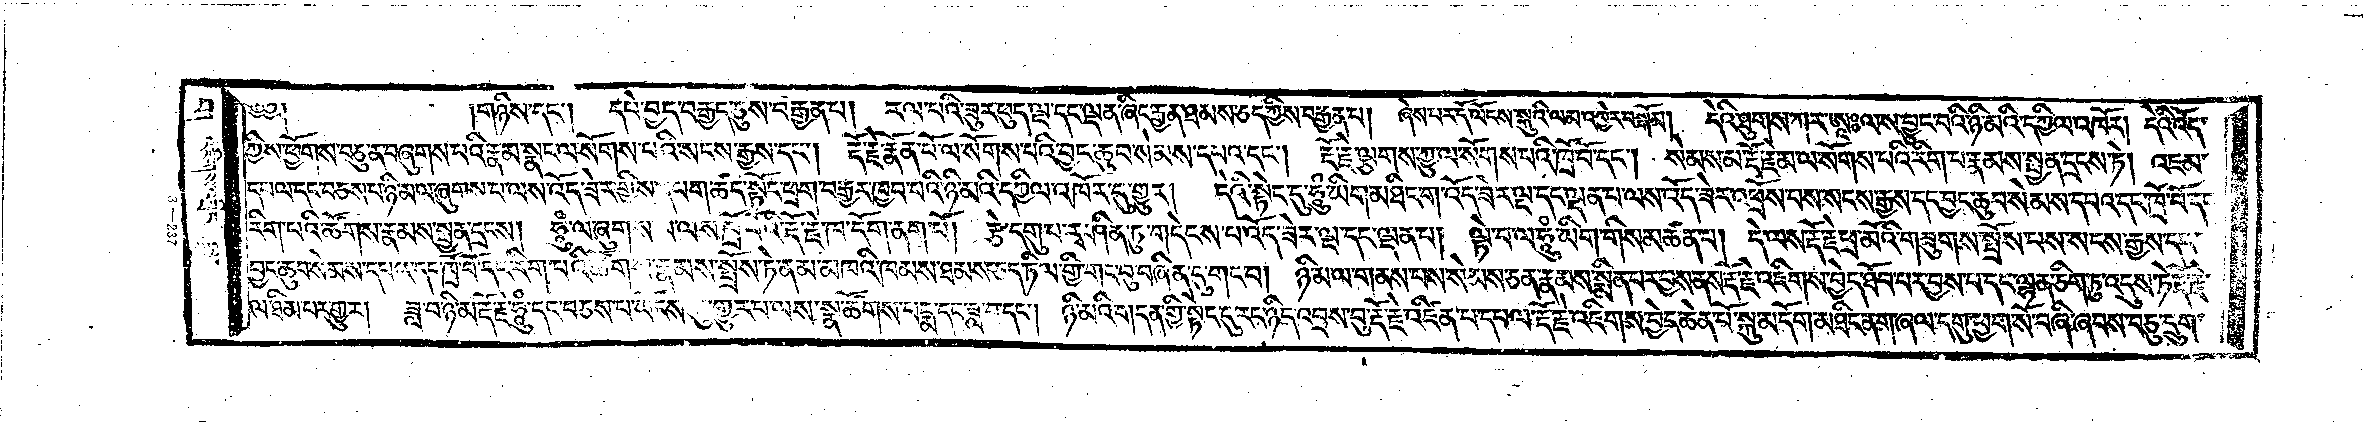༄༅། །གཉིས་དང་། དཔེ་བྱད་བརྒྱད་ཅུས་བརྒྱན་པ། རལ་པའི་ཟུར་ཕུད་ལྔ་དང་ལྡན་ཞིང་རྒྱན་ཐམས་ཅད་ཀྱིས་བརྒྱན་པ། ཞེས་པར་དོ་ལོངས་སྐུའི་ལམ་འཁྱེར་བསྒོམ།  དེའི་ཐུགས་ཀར་ཨཱཿལས་བྱུང་བའི་ཉི་མའི་དཀྱིལ་འཁོར། དེའི་འོད་
ཀྱིས་ཕྱོགས་བཅུ་ན་བཞུགས་པའི་རྣམ་སྣང་ལ་སོགས་པའི་སངས་རྒྱས་དང་། རྡོ་རྗེ་རྣོན་པོ་ལ་སོགས་པའི་བྱང་ཆུབ་སེམས་དཔའ་དང་། རྡོ་རྗེ་ལྕགས་ཀྱུ་ལ་སོགས་པའི་ཁྲོ་བོ་དང་། སེམས་མ་རྡོ་རྗེ་མ་ལ་སོགས་པའི་རིག་པ་རྣམས་སྤྱན་དྲངས་ཏེ། འཇབ་
དཔལ་དང་བཅས་པ་ཉི་མ་ལ་ཞུགས་པ་ལས་འོད་ཟེར་གྱིས་དཔག་ཚད་སྟོང་ཕྲག་བརྒྱར་ཁྱབ་པའི་ཉི་མའི་དཀྱིལ་འཁོར་དུ་གྱུར། དེའི་སྟེང་དུ་ཧཱུཾ་ཡིག་མཐིང་ག་འོད་ཟེར་ལྔ་དང་ལྡན་པ་ལས་འོད་ཟེར་འཕྲོས་པས་སངས་རྒྱས་དང་བྱང་ཆུབ་སེམས་དཔའ་དང་ཁྲོ་བོད་
རིག་པའི་ཚོགས་རྣམས་སྤྱན་དྲངས། ཧཱུཾ་ལ་ཞུགས་པ་ལས་ཁྲོ་བོའི་རྡོ་རྗེ་ཁ་དོག་ནག་པོ། རྩེ་དགུ་པ་རྭ་ཤིན་ཏུ་གདེངས་པ་འོད་ཟེར་ལྔ་དང་ལྡན་པ། ལྟེ་བ་ལ་ཧཱུཾ་ཡིག་གིས་མཚན་པ། དེ་ལས་རྡོ་རྗེ་ཕྲ་མོའི་གཟུགས་སྤྲོས་པས་སངས་རྒྱས་དང་
བྱང་ཆུབ་སེམས་དཔའ་དང་ཁྲོ་བོ་དང་རིག་པའི་ཚོགས་རྣམས་སྤྲོས་ཏེ་ནམ་མཁའི་ཁམས་ཐམས་ཅད་ཏིལ་གྱི་གང་བུ་བཞིན་དུ་གང་བ། ཉི་མ་ལ་གནས་པས་སེམས་ཅན་རྣམས་སྨིན་པར་བྱས་ནས་རྡོ་རྗེ་འཇིགས་བྱེད་ཐོབ་པར་བྱས་པ་དང་ལྷན་ཅིག་ཏུ་འདུས་ཏེ་རྡོ་རྗེ་
ལ་ཐིམ་པར་གྱུར། ཟླ་བ་ཉི་མ་རྡོ་རྗེ་ཧཱུཾ་དང་བཅས་པ་ཡོངས་སུ་གྱུར་པ་ལས་སྣ་ཚོགས་པདམ་དང་ཟླ་བ་དང་། ཉི་མའི་གདན་གྱི་སྟེང་དུ་རང་ཉིད་འབྲས་བུ་རྡོ་རྗེ་འཛིན་པ་དཔལ་རྡོ་རྗེ་འཇིགས་བྱེད་ཆེན་པོ་སྐུ་མདོག་མཐིང་ན་གཞལ་དགུ་ཕྱག་སོ་བཞི་ཞབས་བཅུ་དྲུག་